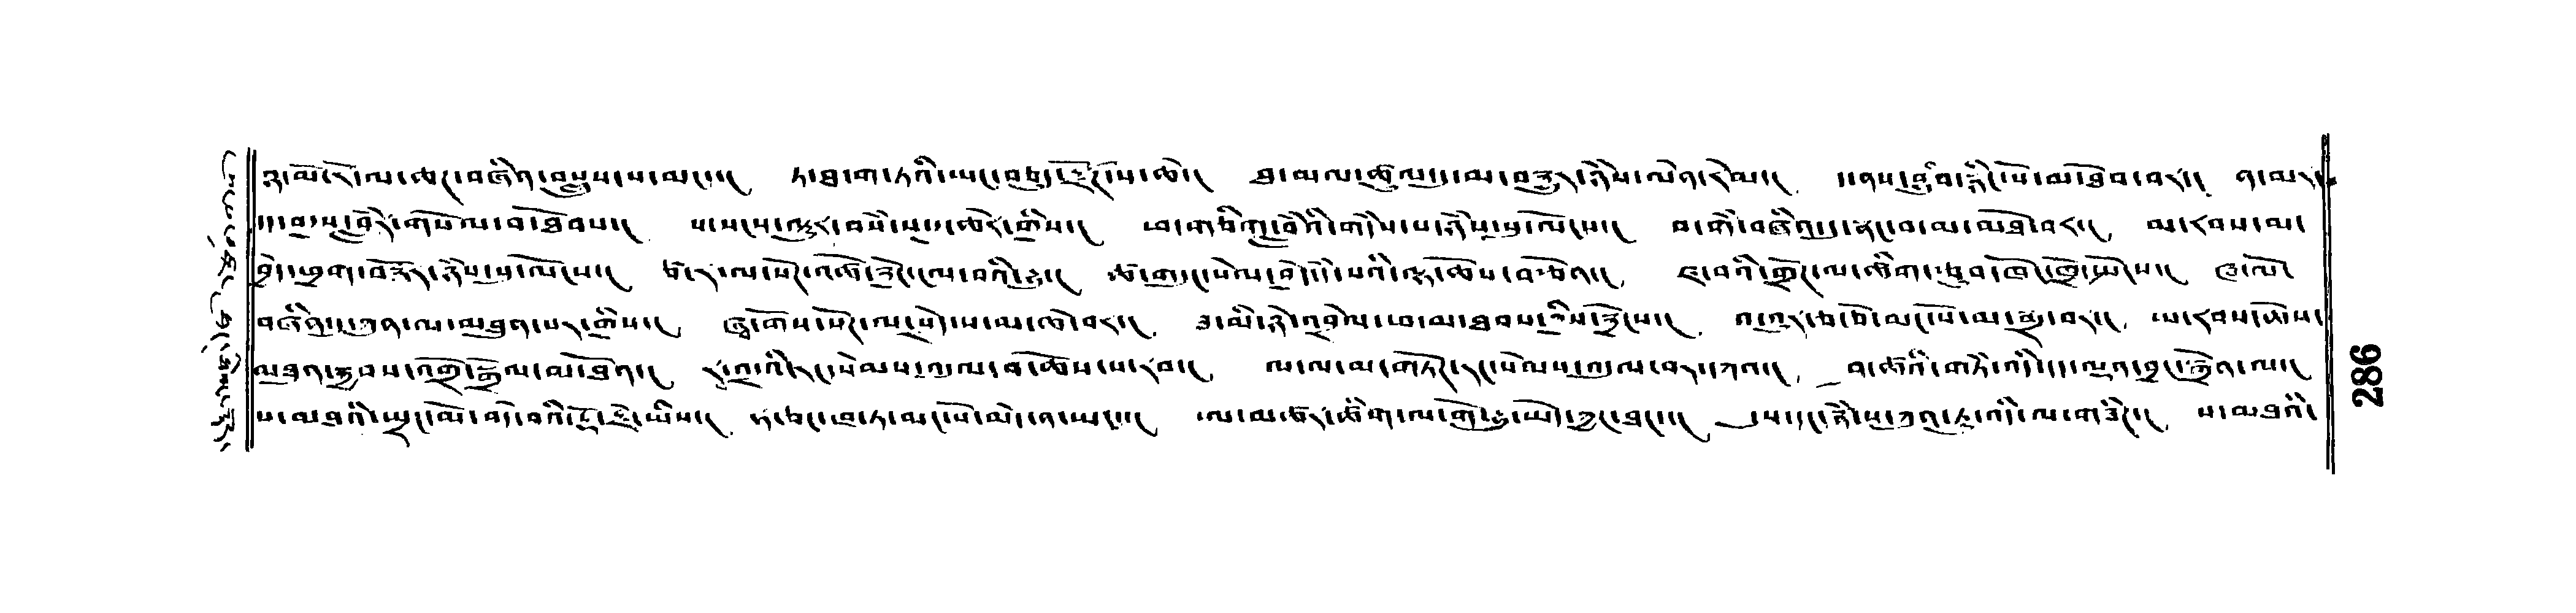།ཉ་མོ་རོ་ལ་ཆགས་བཞིན་བསླུས་པ་མང་། །ཏ་ཐ་ག་ཏའི་ཡང་བཅུད་རྫོགས་པ་ཆེ། །ཐ་མལ་ཚུལ་དུ་མ་བསྐྱུར་ཉམས་ལེན་རེམ། །ད་ནས་བྱང་ཆུབ་སྙིང་པོ་མ་ཐོབ་བར། །ན་མར་
དད་བརྒྱས་བླ་མར་གསོལ་བ་ཐོབས། །པ་སངས་ལྟ་བུར་བསམ་པ་རྒྱ་ཆེར་གྱིས། །ཕ་གཅིག་བླ་མའི་གདམས་པ་ཉམས་སུ་ལོངས། །བ་གམ་བཞིན་དུ་སྣང་བ་མ་མཐོ་བར། །མ་རབས་མ་
བྱེད་ཕྱག་བསྐོར་ཉམས་སུ་ལོངས། །ཙ་ར་ལ་སོགས་འཚོ་སྐྱོང་ངལ་བའི་རྒྱུ། །ཚ་གདུང་སེལ་བྱེད་དམ་པའི་ལྷ་ཆོས་བརྩོན། །ཛ་བའི་གྲོགས་ལ་ཚིག་རྩུབ་ཁོང་ཁྲོ་སྤོངས། །ཝ་མོ་
བཞིན་དུ་ཀུན་ལ་མཐུན་པར་གྱིས། །ཞྭ་གོས་སོགས་ལ་སྲེད་པ་མ་ཆེ་བར། །ཟ་མི་ཉེ་འབྲེལ་ཕ་མ་ཐབས་ཀྱིས་སྐྱོངས། །འ་འུར་ཅ་ཅོ་མང་པོ་མ་སྨྲ་བར། །ཡ་རབས་ཆོས་
མཐུན་སྐྱབས་འགྲོ་སྒྲོལ་མ་ཐོན། །རྭ་འདྲའི་རང་སེམས་འདུལ་བ་ཆོས་པ་རབ། །ལ་ལ་མ་གཏོགས་རང་སེམས་འདུལ་བར་དཀའ། །ཤ་ཚའི་གཏམ་འདི་དད་ལྡན་བྱང་སྒྲོན་ལ། །
ས་མཐའི་སྤྲང་མོ་བདེ་བའི་རྡོ་རྗེ་ཡིས། །ཧ་ཅང་ཁ་ཏ་མང་པོ་མེད་ན་ཡང་།ཨ་མཚར་ཚིག་ལ་གོ་རྒྱུ་ཡོད་ཀྱང་ཐང་། །དུས་དང་རྣམ་པ་ཀུན་ཏུ་འདི་ལ་གཟིགས། །ས་མཐའི་